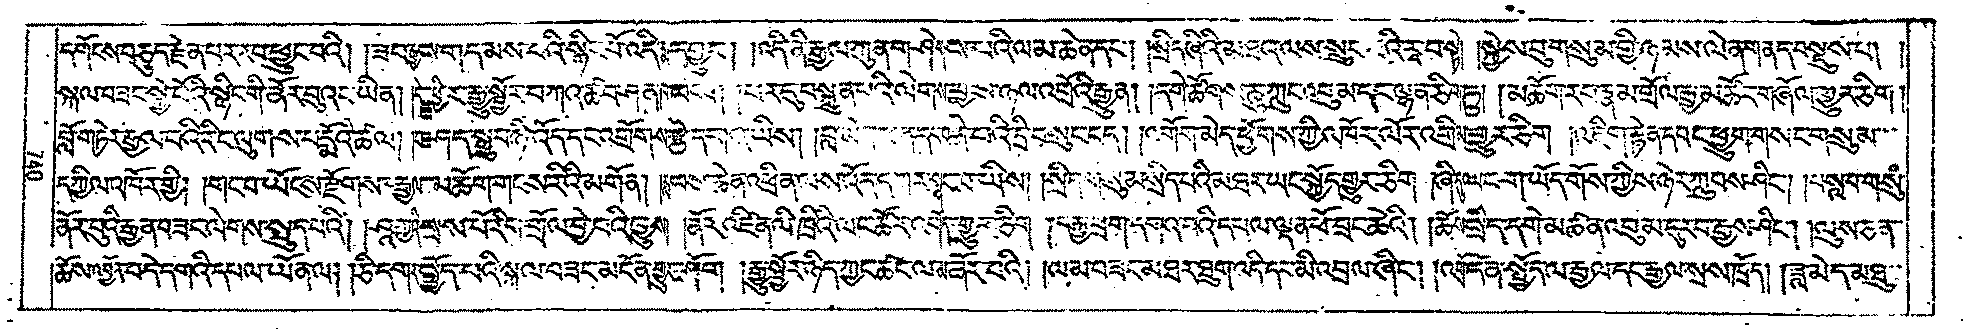དགོངས་བཅུད་རྗེན་པར་རབ་ཕྱུང་བའི། །ཟབ་རྒྱས་གདམས་པའི་སྙིང་པོ་འདི་རྨད་བྱུང་། །འདི་ནི་རྒྱལ་ཀུན་གཤེགས་པའི་ལམ་ཆེན་དང་། །སྲིད་ཞིའི་མཐའ་ལས་སྲུང་བའི་རྭ་བ་སྟེ། །སྐྱེས་བུ་གསུམ་གྱི་ཉམས་ལེན་གནད་བསྡུས་པ། །
སྐལ་བཟང་སྐྱེ་བོའི་སྙིང་གི་ནོར་བུའང་ཡིན། །དེ་ཕྱིར་རྒྱུསྦྱོར་བཀའ་ཚབ་ཤན་ཁ་པས། །པར་དུ་བསྐྲུན་པའི་ལེགས་བྱས་ཉལ་འགྲོའི་རྒྱུན། །དགེ་ཚོགས་ཆུ་ཀླུང་འབུམ་དང་ལྷན་ཅིག་ཏུ། །མཆོག་རབ་རྣམ་གྲོལ་རྒྱ་མཚོར་གཞོལ་གྱུར་ཅིག །
བློ་གཏེར་རྒྱལ་བའི་རིང་ལུགས་པདམོའི་ཚལ། །བཤད་སྒྲུབ་ཉི་འོད་དང་འགྲོགས་རྩེ་དགའ་ཡིས། །བླ་མེད་ཕན་དང་བདེ་བའི་དྲི་བསུང་ངད། །འགོག་མེད་ཕྱོགས་ཀྱི་འཁོར་ལོར་འགྲིམ་གྱུར་ཅིག །འཇིག་རྟེན་དབང་ཕྱུག་གསང་གསུམ་
དཀྱིལ་འཁོར་གྱི། །གང་བ་ཡོངས་རྫོགས་༧རྒྱལ་མཆོག་གངས་རིའི་མགོན། །རླབས་ཆེན་འཕྲིན་ལས་འོད་དཀར་སྣང་བ་ཡིས། །སྲིད་གསུམ་སྲིད་པའི་མཐར་ཡང་སྐྱོད་གྱུར་ཅིག །ཞི་དུལ་བག་ཡོད་གོས་ཀྱིས་ཉེར་ཀླུབས་ཤིང་། །བསླབ་གསུམ྾་
ནོར་བུའི་རྒྱན་བཟང་ལེགས་སྤུད་པའི། །ཤཱཀྱའི་སྲས་པོ་རིག་གྲོལ་བྱེ་བའི་ཁྱུས། །ནོར་འཛིན་ལི་ཁྲིའི་ལང་ཚོར་འགོད་གྱུར་ཅིག །བརྒྱ་ཕྲག་དགའ྾་བའི་དཔལ་ལྡན་ཕོ་བྲང་ཆེའི། །ཆོས་སྲིད་དགེ་མཚན་འབུམ་དུ་རབ་རྒྱས་ཤིང་། །ལུས་ཅན་
ཆོས་འབྱོར་བདེ་དགའི་དཔལ་ཡོན་ལ། །ཅི་དགར་སྤྱོད་པའི་སྐལ་བཟང་མངོན་གྱུར་ཤོག །རྒྱུ་སྦྱོར་ཉིད་ཀྱང་ཚང་ལ་མ་ནོར་བའི། །ལམ་བཟང་མཐར་ཐུག་འདི་དང་མི་འབྲལ་ཞིང་། །འགྲོ་དོན་སྤྱོད་ལ་རྒྱལ་དང་རྒྱལ་སྲས་ཁྲོད། །ཟླ་མེད་མཐུ་